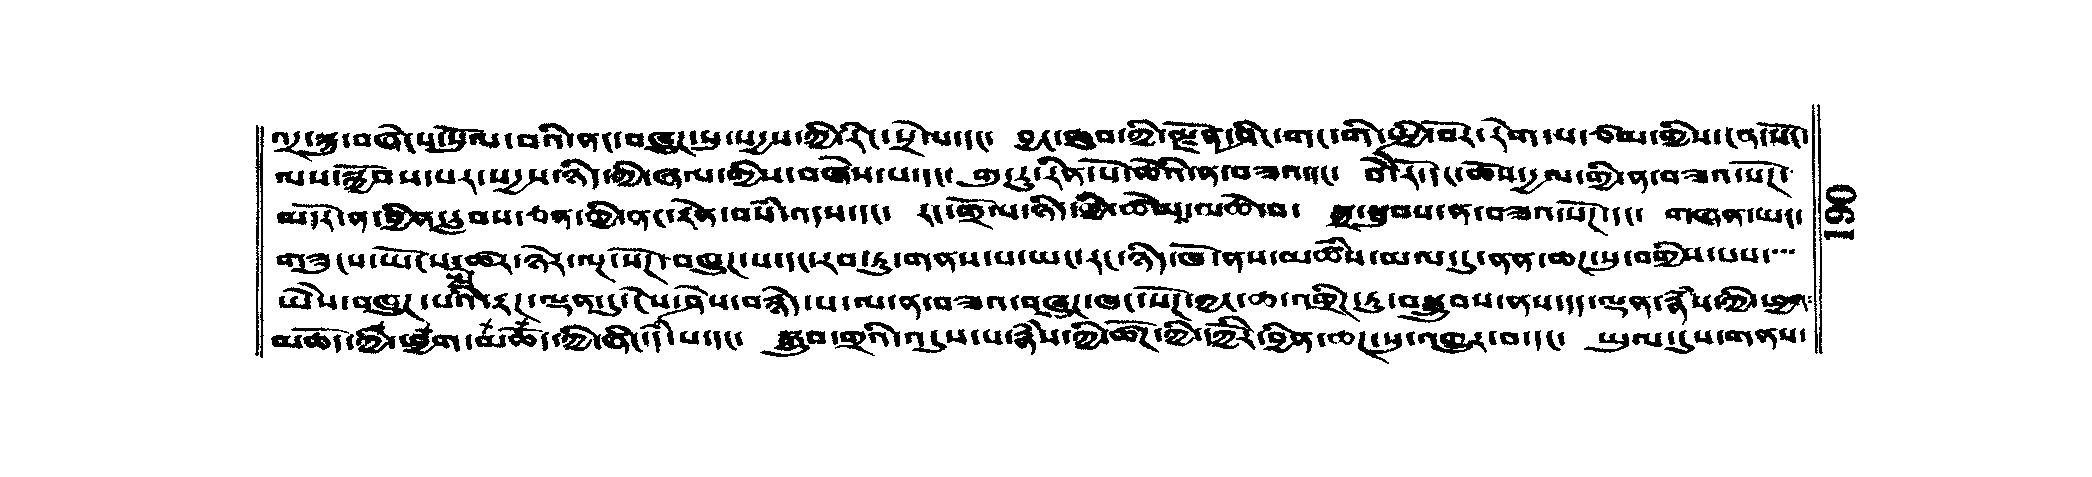འདྲ་སྐུ་བཞེངས་སུ་གསོལ་བའི་ནང་བཞུགས་སུ་སངས་རྒྱས་ཀྱི་རིང་སྲེལ་དང་། བྱང་ཆུབ་ཀྱི་ལྗོན་ཤིང་གང་གི་སྤྱི་བོར་རེག་པ་ཙམ་གྱིས་ངན་སོང་
ལས་སྐྱོབ་པར་སངས་རྒྱས་ཉིད་ཀྱི་ཞལ་གྱིས་བཞེས་པ་དང་། གུ་རུ་རིན་པོ་ཆེའི་ན་བཟའ་དང་། བཻ་རོ་དང་ཆོས་རྒྱལ་གྱི་ན་བཟའ་སོགས་
མདོར་ན་བྱིན་རླབས་ཅན་གྱི་ནང་རྟེན་བསམ་འདས་དང་། རང་གྲོལ་ཉིད་ཀྱི་ཚེམས་མཆེ་བ། སྐྲ་སྦུབས་ན་བཟའ་སོགས་དང་། གཞན་ཡང་
གཟུངས་ཡོང་རྫོགས་ཚར་ཉེར་ལྔ་སོགས་བཞུགས་པ་དང་རབ་ཏུ་གནས་པ་ཡང་རང་ཉིད་ཁོ་ནས་མཚམས་མལ་དུ་ནན་ཆགས་སུ་བགྱིས་པས་
ཡེ་ཤེས་བཞུགས་པའི་རྟགས་ལྡན་དུ་ངེས་ཤེས་བརྙེད་པ་ལ་ན་བཟའ་བཞུགས་ཁང་སོགས་ཀྱང་ཆ་འགྲིགས་སུ་བསྒྲུབས་ནས་དད་ལྡན་རྣམས་ཀྱིས་ཕྱག་
མཆོད་ཀྱི་ཞིང་དམ་པ་དང་། སྒྲུབ་གྲྭའི་འདུས་པ་རྣམས་ཀྱི་ཚོགས་ཀྱི་དཀྱིལ་འཁོར་བྱིན་ཆགས་སུ་འགྱུར་བ་དང་། ཡུལ་དུས་གནས་